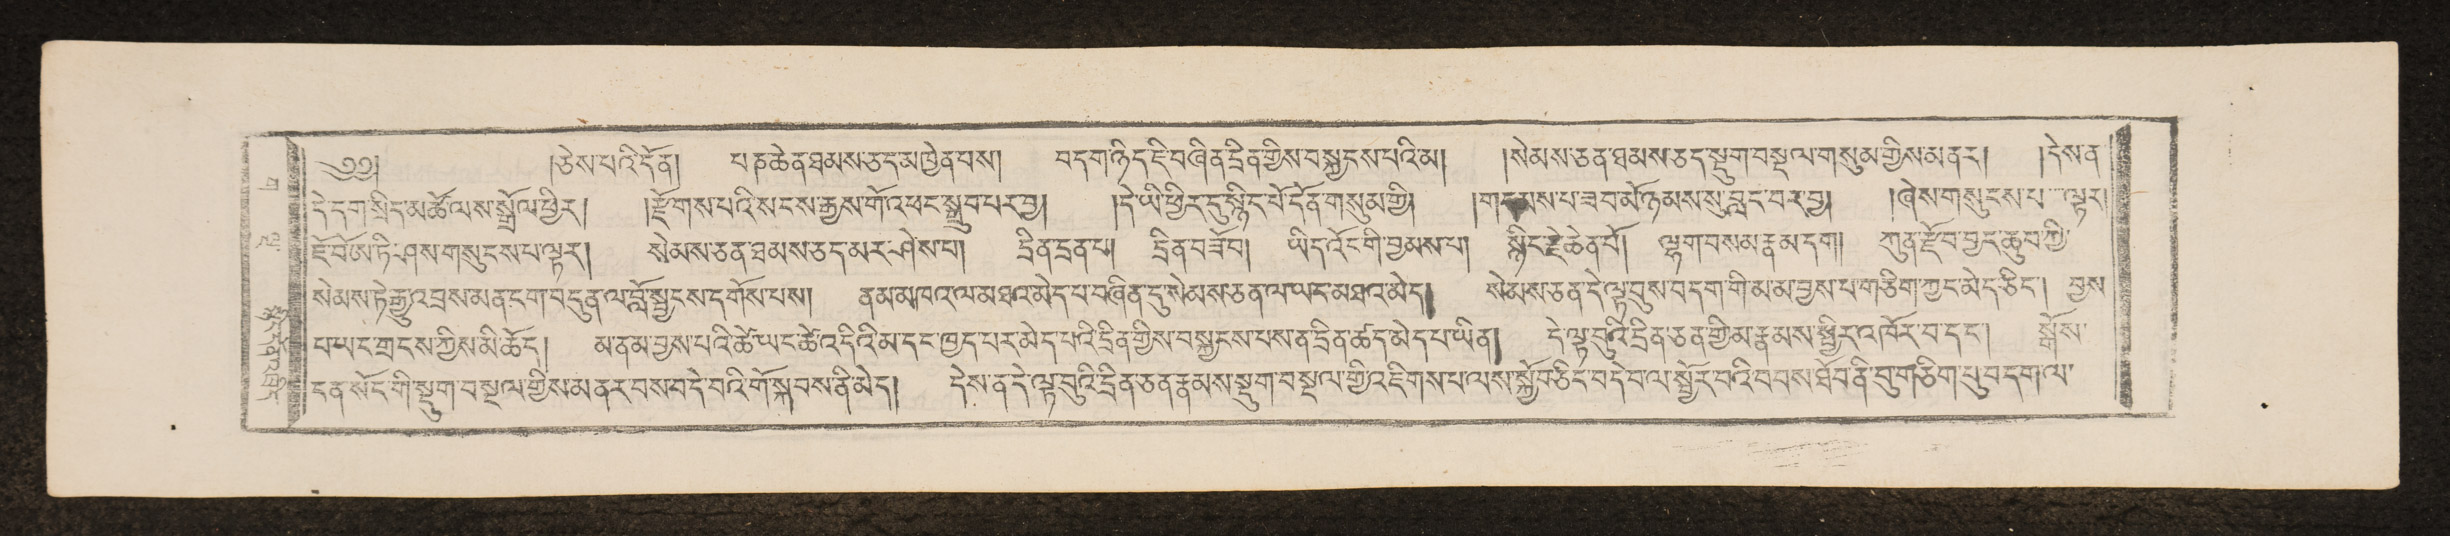༄༅། །ཅེས་པའི་དོན། པཎ་ཆེན་ཐམས་ཅད་མཁྱེན་པས། བདག་ཉིད་ཇི་བཞིན་དྲིན་གྱིས་བསྐྱངས་པའི་མ། །སེམས་ཅན་ཐམས་ཅད་སྡུག་བསྔལ་གསུམ་གྱིས་མནར། །དེས་ན་
དེ་དག་སྲིད་མཚོ་ལས་སྒྲོལ་ཕྱིར། །རྫོགས་པའི་སངས་རྒྱས་གོ་འཕང་སྒྲུབ་པར་བྱ། །དེ་ཡི་ཕྱིར་དུ་སྙིང་པོ་དོན་གསུམ་གྱི། །གདམས་པ་ཟབ་མོ་ཉམས་སུ་བླང་བར་བྱ། །ཞེས་གསུངས་པ་ལྟར།
ཇོ་བོཨ་ཏི་ཤས་གསུངས་པ་ལྟར། སེམས་ཅན་ཐམས་ཅད་མར་ཤེས་པ། དྲིན་དྲན་པ། དྲིན་བཟོ་བ། ཡིད་འོང་གི་བྱམས་པ། སྙིང་རྗེ་ཆེན་པོ། ལྷག་བསམ་རྣམ་དག། ཀུན་རྫོབ་བྱང་ཆུབ་ཀྱི་
སེམས་ཏེ་རྒྱུ་འབྲས་མན་ངག་བདུན་ལ་བློ་སྦྱངས་དགོས་པས། ནམ་མཁའ་ལ་མཐའ་མེད་པ་བཞིན་དུ་སེམས་ཅན་ལ་ཡང་མཐའ་མེད། སེམས་ཅན་དེ་ལྟ་བུས་བདག་གི་མ་མ་བྱས་པ་གཅིག་ཀྱང་མེད་ཅིང་། བྱས་
པ་ཡང་གྲངས་ཀྱིས་མི་ཆོད། མ་ནམ་བྱས་པའི་ཚེ་ཡང་ཚེ་འདིའི་མ་དང་ཁྱད་པར་མེད་པའི་དྲིན་གྱིས་སྐྱངས་པས་ན་དྲིན་ཚད་མེད་པ་ཡིན། དེ་ལྟ་བུའི་དྲིན་ཅན་གྱི་མ་རྣམས་སྦྱིར་འཁོར་བ་དང་། སྒོས་
ངན་སོང་གི་སྡུག་བསྔལ་གྱིས་མནར་བས་བདེ་བའི་གོ་སྐབས་ནི་མེད། དེས་ན་དེ་ལྟ་བུའི་དྲིན་ཅན་རྣམས་སྡུག་བསྔལ་གྱི་འཇིགས་པ་ལས་སྐྱོབ་ཅིང་བདེ་བ་ལ་སྦྱོར་བའི་བབས་ཐོབ་ནི་བུ་གཅིག་པུ་བདག་ལ་